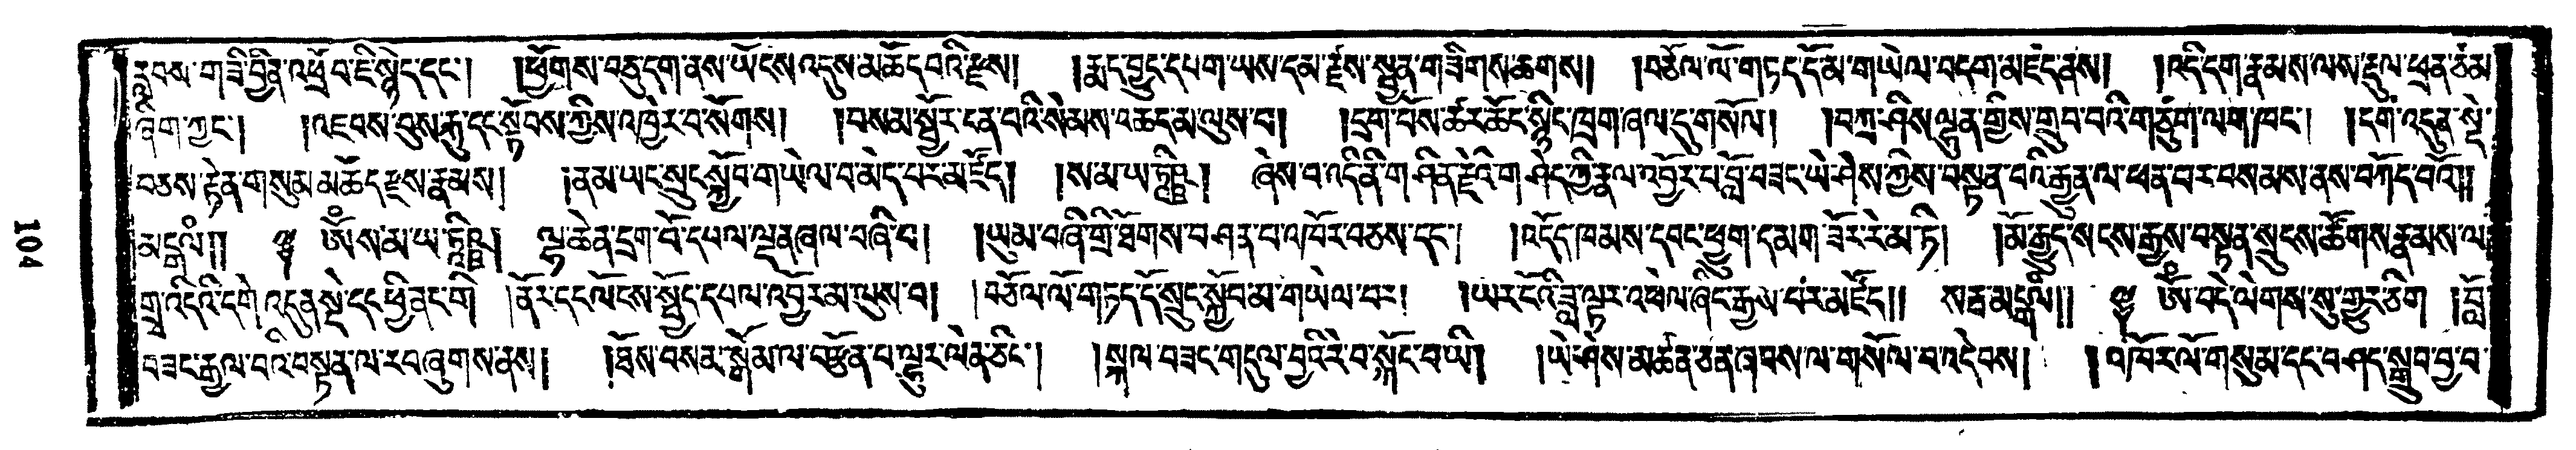རླབས་གཟི་བྱིན་འཕྲོ་བ་ཇི་སྙེད་དང་། །ཕྱོགས་བཅུ་དག་ནས་ཡོངས་འདུས་མཆོད་བའི་རྫས། །རྨད་བྱུང་དཔག་ཡས་དམ་རྫས་སྦྱན་གཟིགས་ཆགས། །བཅོལ་ལོ་གཏད་དོ་མ་གཡེལ་བདག་མཛད་ནས། །འདི་དག་རྣམས་ལས་རྡུལ་ཕྲན་ཙམ་
ཞིག་ཀྱང་། །འཇབས་བུས་རྐུ་དང་སྟོབས་ཀྱིས་འཁྱེར་བ་སོགས། །བསམ་སྦྱོར་ངན་པའི་སེམས་འཆད་མ་ལུས་བ། །དྲག་པོས་ཚར་ཆོང་སྙིང་ཁྲག་ཞལ་དུ་གསོལ། །བཀྲ་ཤིས་ལྷུན་གྱིས་གྲུབ་བའི་གཙུག་ལག་ཁང་། །དགེ་འདུན་སྡེ་
བཅས་རྟེན་གསུམ་མཆོད་རྫས་རྣམས། །ནམ་ཡང་སྲུང་སྐྱོབ་གཡེལ་བ་མེད་པར་མཛོད། །ས་མ་ཡ་ཏཱིཥཊཿཨ། ཞེས་བ་འདི་ནི་གཤིན་རྗེའི་གཤེད་ཀྱི་རྣལ་འབྱོར་པ་བློ་བཟང་ཡེ་ཤེས་ཀྱིས་བསྟན་བའི་རྒྱུན་ལ་ཕན་པར་བསམས་ནས་བཀོད་བའོ།།
མངྒལཾ།། ༈ ཨོཾ་ས་མ་ཡ་ཏཱིཥཊཿཨ། ལྷ་ཆེན་དྲག་བོ་དཔལ་ལྡན་ཞལ་བཞི་བ། །ཡུམ་བཞི་གྲི་ཐོགས་བཤན་པ་འཁོར་བཅས་དང་། །འདོད་ཁམས་དབང་ཕྱུག་དམག་ཟོར་རེ་མ་ཏི། །མོ་རྒྱུད་སངས་རྒྱས་བསྟན་སྲུངས་ཚོགས་རྣམས་ལ་
གྲྭ་འདིའི་དགེ་འདུན་སྡེ་དང་ཕྱི་ནང་གི །ནོར་དང་ལོངས་སྤྱོད་དཔལ་འབྱོར་མ་ལུས་བ། །བཅོལ་ལོ་གཏད་དོ་སྲུང་སྐྱོབ་མ་གཡེལ་བར། །ཡར་ངོའི་ཟླ་ལྟར་འཕེལ་ཞིང་རྒྱས་པར་མཛོད། སརྦ་མངྒལཾ།། ༈ ཨོཾ་བདེ་ལེགས་སུ་གྱུར་ཅིག །བློ་
བཟང་རྒྱལ་བའི་བསྟན་ལ་རབ་ཞུགས་ནས། །ཐོས་བསམ་སྒོམ་ལ་བརྩོན་པ་ལྷུར་ལེན་ཅིང་། །སྐལ་བཟང་གདུལ་བྱའི་རེ་བ་སྐོང་བ་ཡི། །ཡེ་ཤེས་མཚན་ཅན་ཞབས་ལ་གསོལ་བ་འདེབས། །འཁོར་ལོ་གསུམ་དང་བཤད་སྒྲུབ་བྱ་བ་